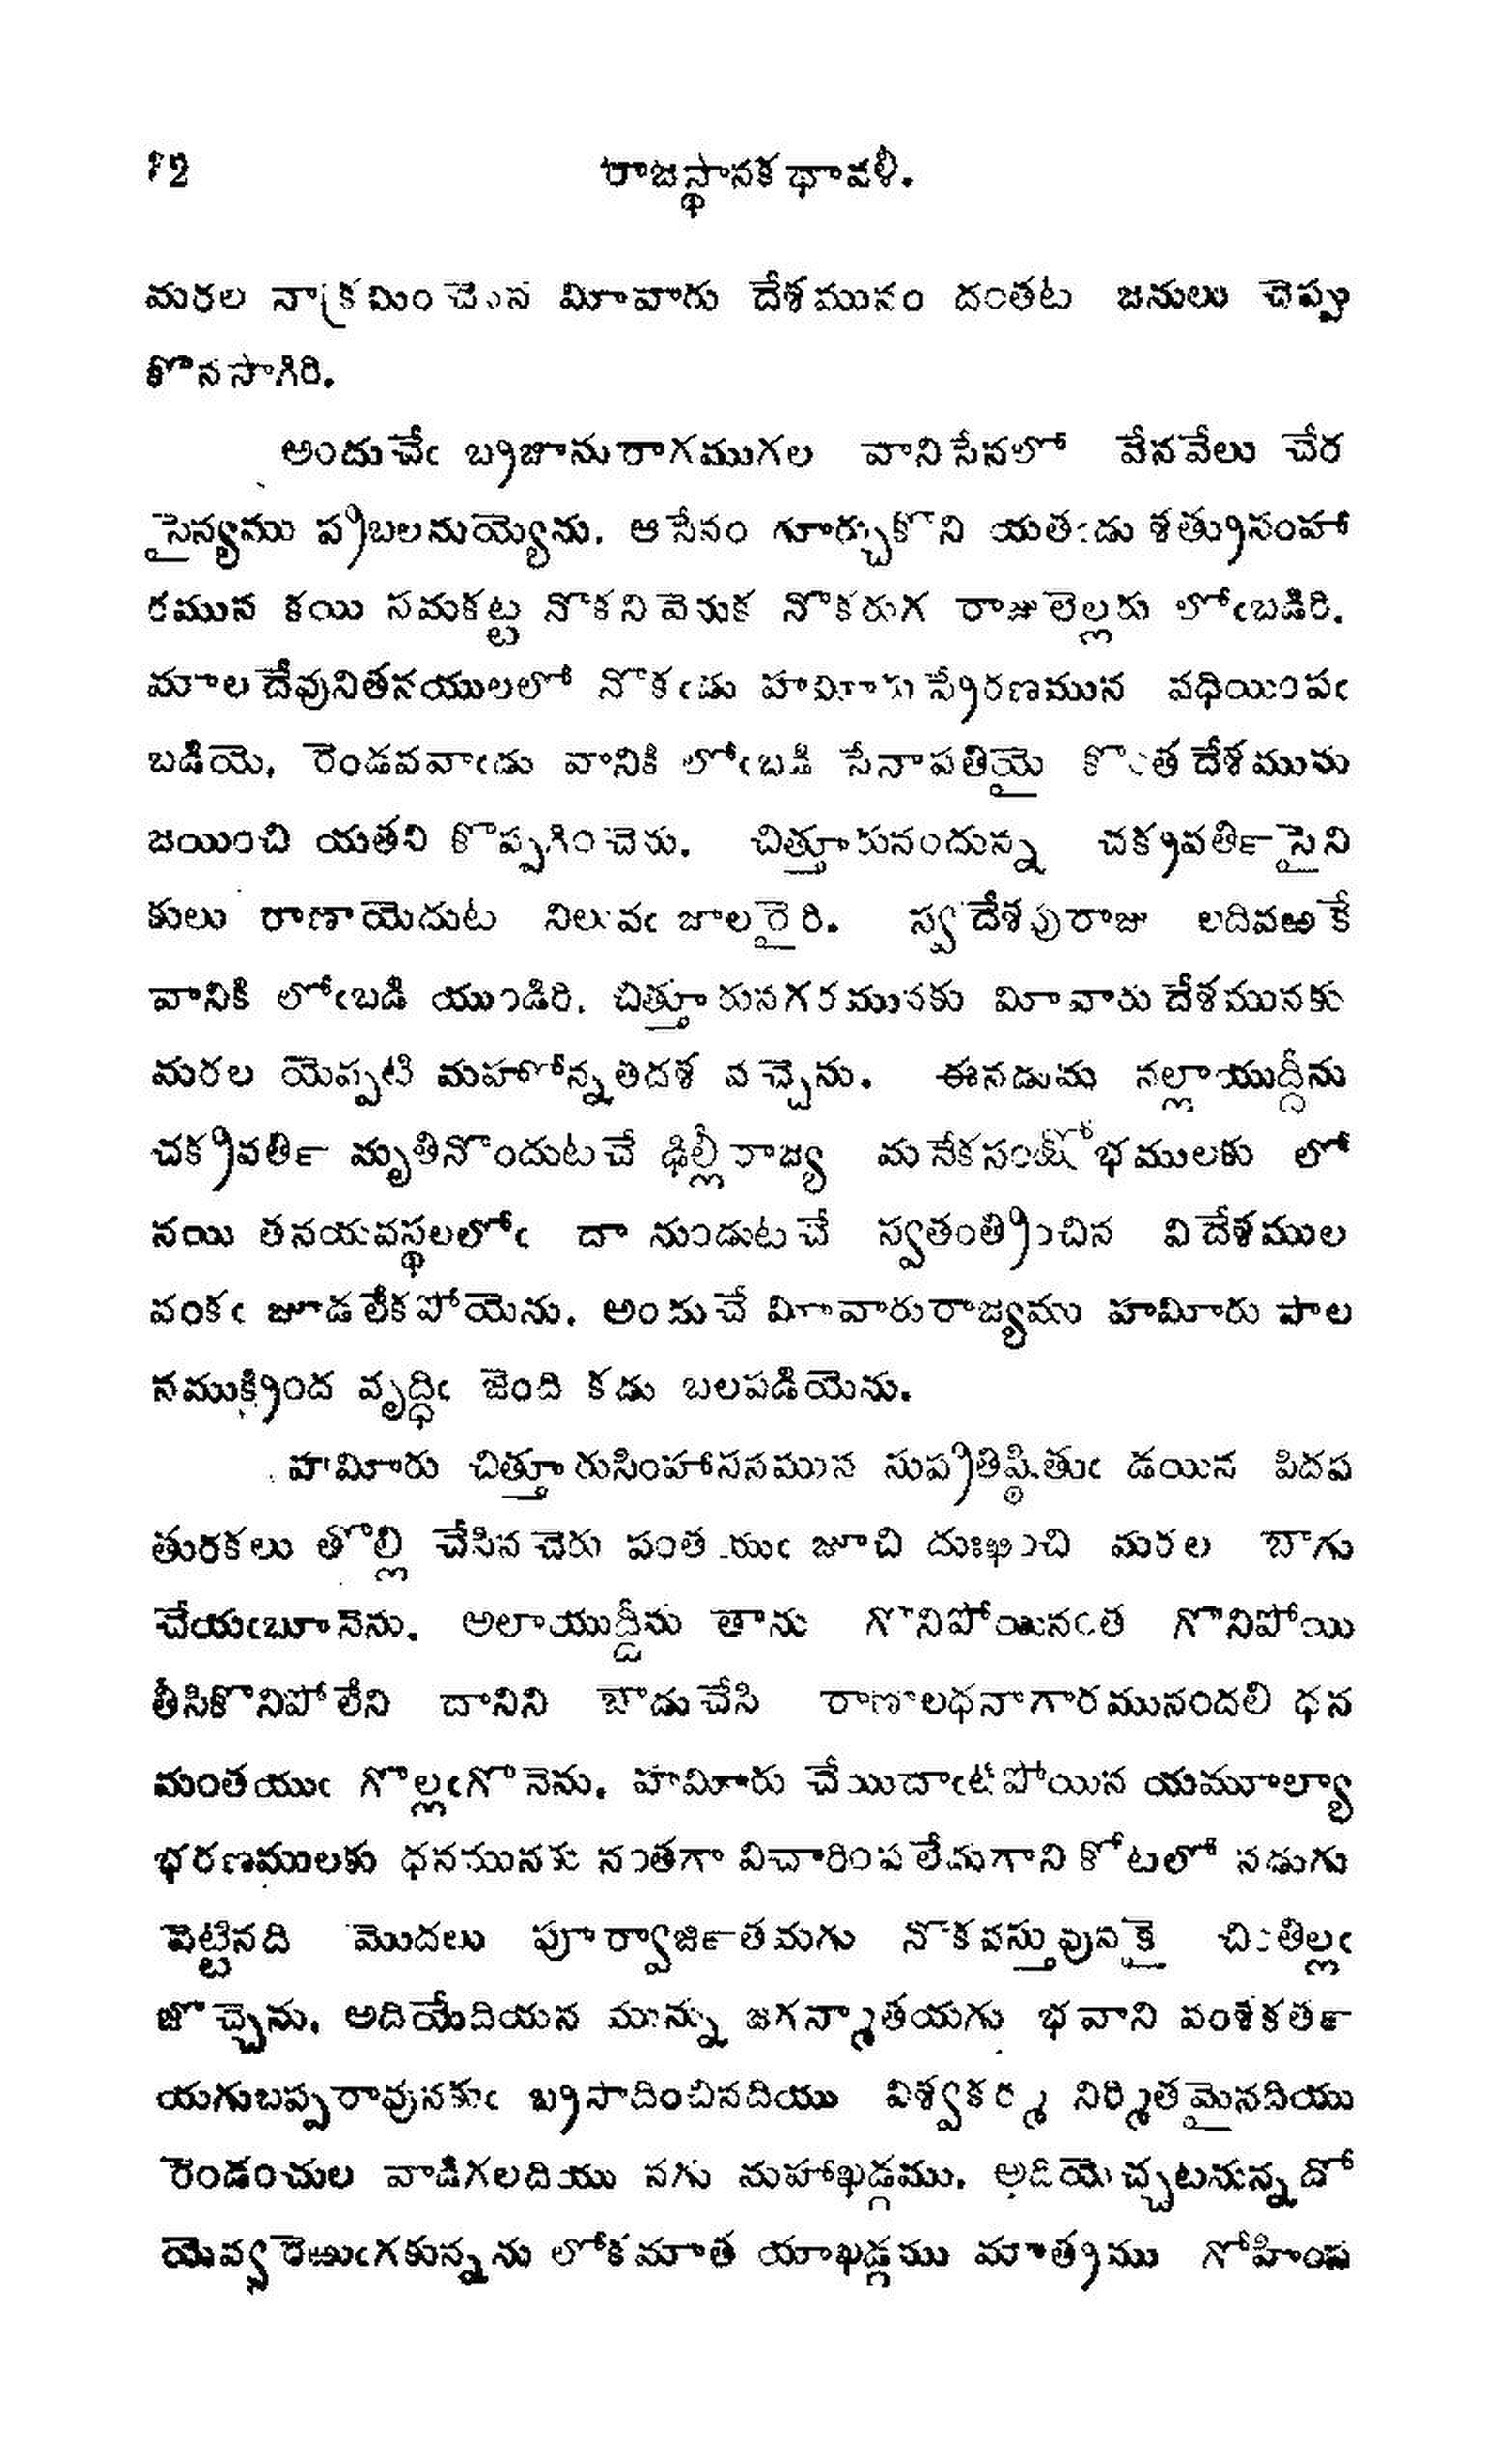మరల నాక్రమించెనన మీవారు దేశమునం దంతట జనులు చెప్పు కొనసాగిరి.

అందుచేఁ బ్రజానురాగముగల వాని సేనలో వేనవేలు చేర సైన్యము ప్రబల నుయ్యెను. ఆ సేనం గూర్చుకొని యతఁడు శత్రుసంహారమున కయి సమకట్ట నొకని వెనుక నొకరుగ రాజులెల్లరు లోఁబడిరి. మాల దేవుని తనయులలో నొకఁడు హమీరు ప్రేరణమున వధియింపఁ బడియె, రెండవవాఁడు వానికి లోఁబడి సేనాపతియై కొంత దేశమును జయించి యతని కొప్పగించెను. చిత్తూరునందున్న చక్రవతి౯క సైనికులు రాణా యెదుట నిలువఁ జాలరైరి. స్వదేశపురాజు లదివఱకే వానికి లోఁబడి యుండిరి. చిత్తూరునగరమునకు మీవారు దేశమునకు మరల యెప్పటి మహోన్న తదశ వచ్చెను. ఈనడుమ నల్లాయుద్దీను చక్రవతి౯ మృతినొందుటచే ఢిల్లీ రాజ్య మనేక సంక్షోభములకు లోనయి తనయవస్థలలోఁ దా నుండుటచే స్వతంత్రించిన విదేశముల వంకఁ జూడ లేకపోయెను. అందుచే మీవారు రాజ్యము హమీరు పాలనము క్రింద వృద్ధిఁ జెంది కడు బలపడి యెను.

హమీరు చిత్తూరుసింహాసనమున సుప్రతిష్ఠితుఁ డయిన పిదప తురకలు తొల్లి చేసిన చెరుపంతయుఁ జూచి దుఃఖించి మరల బాగు చేయఁబూనెను, అలా యుద్దీను తాను గోనిపోయినంత గొనిపోయి తీసికొనిపోలేని దానిని బాడు చేసి రాణాలధనాగారమునందలి ధనమంతయుఁ గొల్లఁగోనెను. హమీరు చేయిదాఁ టిపోయిన యమూల్యా
భరణములకు ధనమునకు నంతగా విచారింప లేదుగాని కోటలో నడుగు పెట్టినది మొదలు పూర్వాజి౯ తమగు నొక వస్తువునకై చింతిల్లఁ జొచ్చెను, అది యేదియన మున్ను జగన్మాతయగు భవాని వంశకత౯ యగుబప్ప రావునకుఁ బ్రసాదించినదియు విశ్వకర్మ నిర్మితమైనదియు రెండంచుల వాడిగలదియు నగు మహాఖడ్గము. అదియెచ్చటనున్నదో యెవ్వ రెఱుఁగకున్నను లోకమాత యాఖడ్గము మాత్రము గోహింస